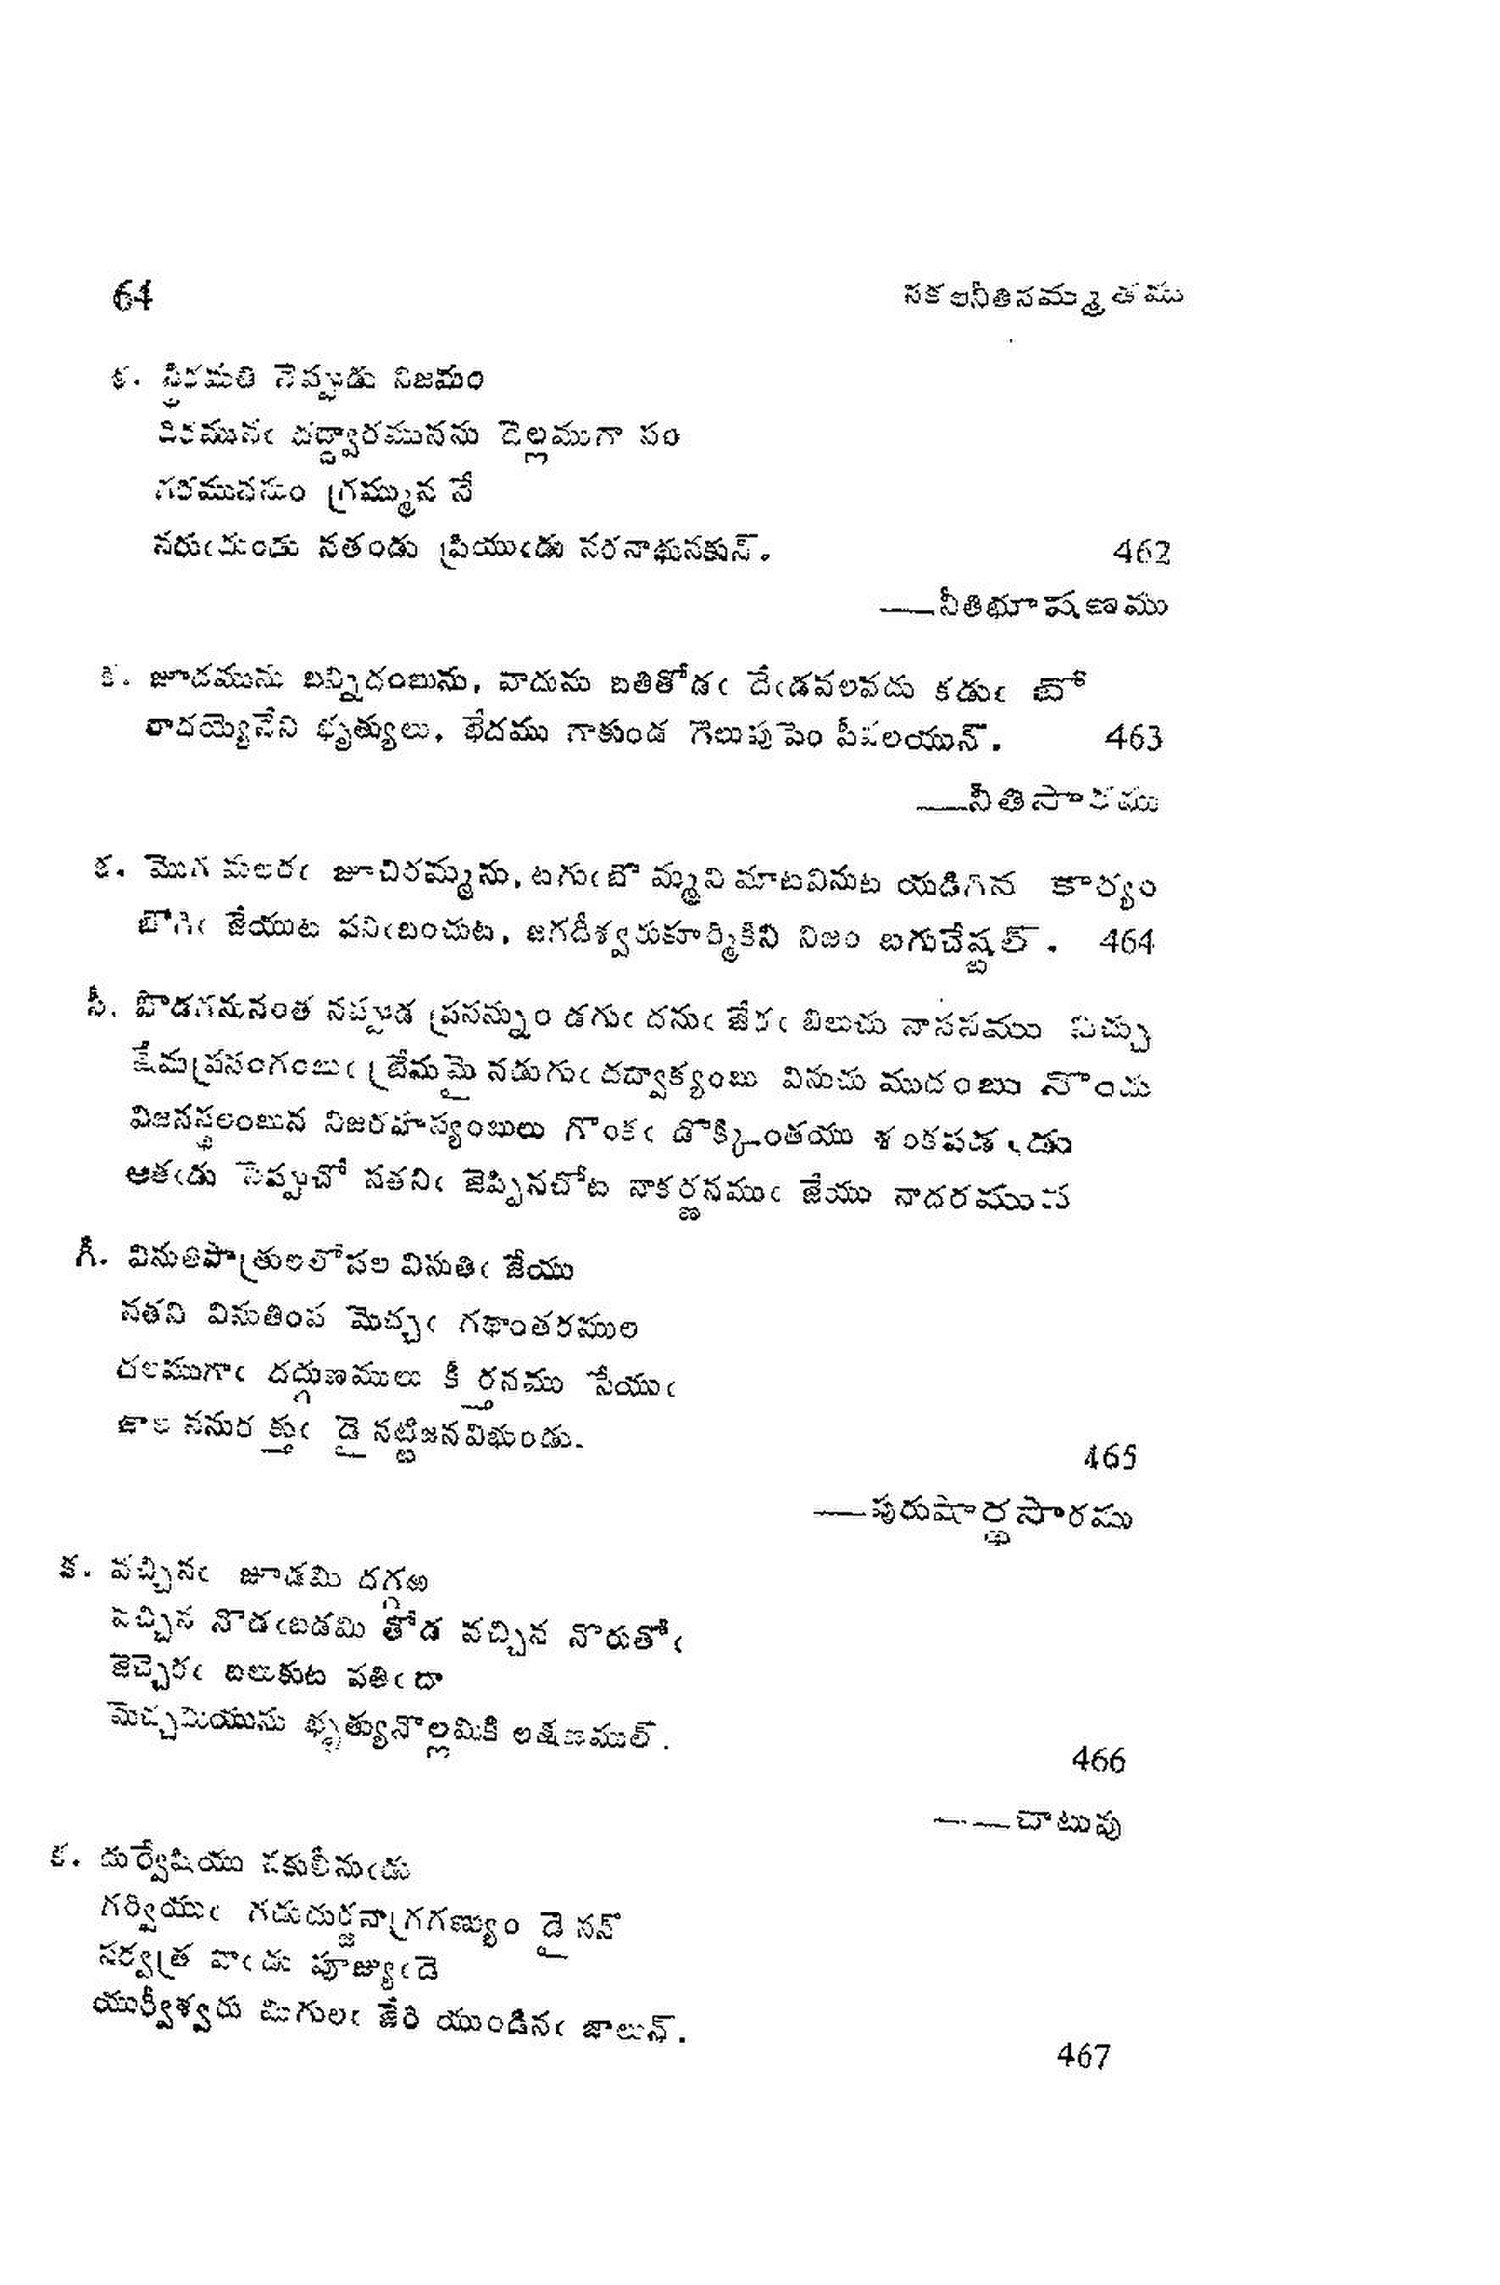క. స్థిరమతి నెప్పుడు నిజమం
దిరమునఁ దద్ద్వారమునను దెల్లముగా సం
గరముననుం గ్రమ్మున నే
నరుఁడుండు నతండు ప్రియుఁడు నరనాథునకున్. 462

క. జూదమును బన్నిదంబును
వాదును బతితోడ నాడవలవదు కడుఁ బో
రాదయ్యెనేని భృత్యులు
భేదము గాకుండ గెలుపు పెం పీవలయున్. 463

క. మొగ మలరఁ జూచిరమ్మను
టగుఁబొమ్మని మాటవినుట యడిగిన కార్యం
బొగిఁ జేయుట పనిఁబంచుట
జగదీశ్వరుకూర్మికిని నిజం బగు చేష్టల్. 464

సీ. పొడగనునంత నప్పుడ ప్రసన్నుం డగుఁ
దనుఁ జేరఁ బిలుచు నాసనము నిచ్చు
క్షేమప్రసంగంబుఁ బ్రేమమై నడుగుఁ ద
ద్వాక్యంబు వినుచు ముదంబు బొందు
విజనస్థలంబున నిజరహస్యంబులు
గొంకఁ డొక్కింతయు శంకపడఁడు
ఆతఁడు సెప్పుచో నతనిఁ జెప్పినచోట
నాకర్ణనముఁ జేయు నాదరమున
గీ. వినుతిపాత్రులలోపల వినుతిఁ జేయు
నతని వినుతింప మెచ్చఁ గథాంతరముల
దలముగాఁ దద్గుణములు కీర్తనము సేయుఁ
జాల ననురక్తుఁ డైనట్టి జనవిభుండు. 465

క. వచ్చినఁ జూడమి దగ్గఱ
వచ్చిన నొడఁబడమి తోడ వచ్చిన నొరుతో
జెచ్చెరఁ బలుకుట పతిఁ దా
మెచ్చమియును భృత్యునొల్లమికి లక్షణముల్. 466

క. దుర్వేషియు నకులీనుఁడు
గర్వియుఁ గడుదుర్జనాగ్రగణ్యుం డైనన్
సర్వత్ర వాఁడు పూజ్యుఁడె
యుర్వీశ్వరు మిగులఁ జేరి యుండినఁ జాలున్. 467